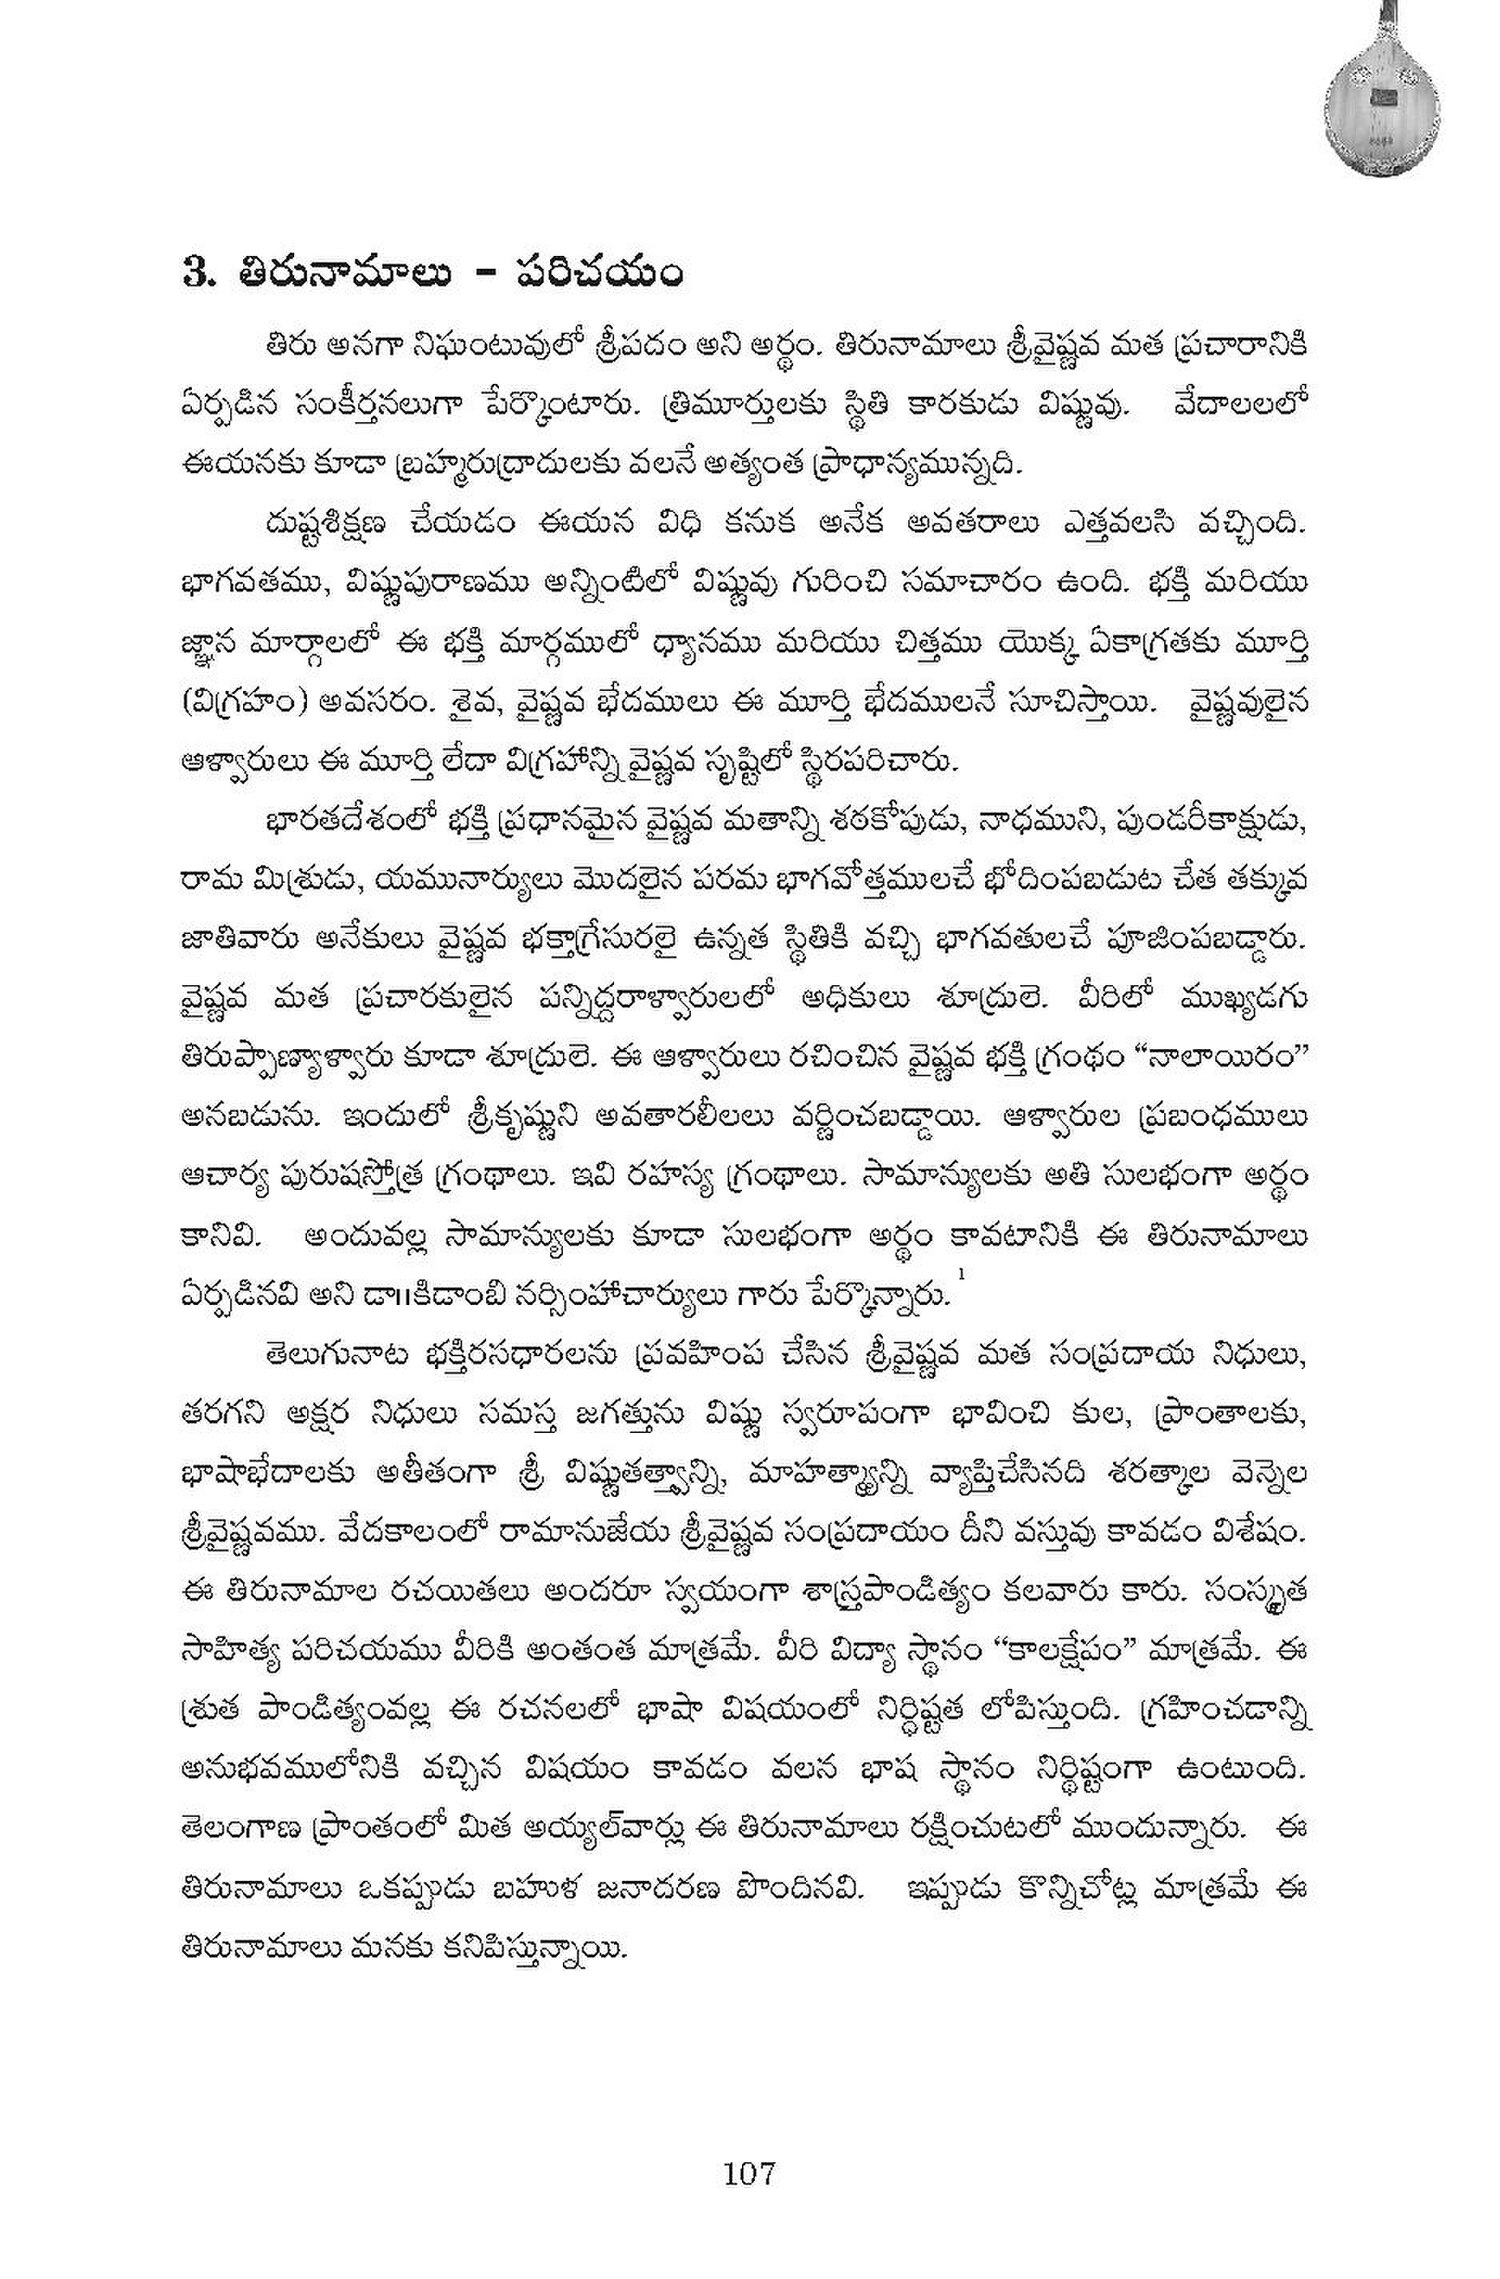3. తిరునామాలు-పరిచయం 

తిరు అనగా నిఘంటువులో శ్రీపదం అని అర్థం. తిరునామాలు శ్రీవైష్ణవ మత ప్రచారానికి ఏర్పడిన సంకీర్తనలుగా పేర్కొంటారు. త్రిమూర్తులకు స్థితి కారకుడు విష్ణువు. వేదాలలలోఈయనకు కూడా బ్రహ్మరుద్రాదులకు వలనే అత్యంత ప్రాధాన్యమున్నది. 

దుష్టశిక్షణ చేయడం ఈయన విధి కనుక అనేక అవతరాలు ఎత్తవలసి వచ్చింది. భాగవతము, విష్ణుపురాణము అన్నింటిలో విష్ణువు గురించి సమాచారం ఉంది. భక్తి మరియు జ్ఞాన మార్గాలలో ఈ భక్తి మార్గములో ధ్యానము మరియు చిత్తము యొక్క ఏకాగ్రతకు మూర్తి (విగ్రహం) అవసరం. శైవ, వైష్ణవ భేదములు ఈ మూర్తి భేదములనే సూచిస్తాయి. వైష్ణవులైన ఆళ్వారులు ఈ మూర్తి లేదా విగ్రహాన్ని వైష్ణవ సృష్టిలో స్థిరపరిచారు. 

భారతదేశంలో భక్తి ప్రధానమైన వైష్ణవ మతాన్ని శఠకోపుడు, నాధముని, పుండరీకాక్షుడు, రామ మిశ్రుడు, యమునార్యులు మొదలైన పరమ భాగవోత్తములచే భోదింపబడుట చేత తక్కువ జాతివారు అనేకులు వైష్ణవ భక్తాగ్రేసురలై ఉన్నత స్థితికి వచ్చి భాగవతులచే పూజింపబడ్డారు. వైష్ణవ మత ప్రచారకులైన పన్నిద్దరాళ్వారులలో అధికులు శూద్రులె. వీరిలో ముఖ్యడగు తిరుప్పాణ్యాళ్వారు కూడా శూద్రులె. ఈ ఆళ్వారులు రచించిన వైష్ణవ భక్తి గ్రంథం “నాలాయిరం” అనబడును. ఇందులో శ్రీకృష్ణుని అవతారలీలలు వర్ణించబడ్డాయి. ఆళ్వారుల ప్రబంధములు ఆచార్య పురుషస్తోత్ర గ్రంథాలు. ఇవి రహస్య గ్రంథాలు. సామాన్యులకు అతి సులభంగా అర్థం కానివి. అందువల్ల సామాన్యులకు కూడా సులభంగా అర్థం కావటానికి ఈ తిరునామాలు ఏర్పడినవి అని డా౹౹ కిడాంబి నర్సింహాచార్యులు గారు పేర్కొన్నారు.1

తెలుగునాట భక్తిరసధారలను ప్రవహింప చేసిన శ్రీవైష్ణవ మత సంప్రదాయ నిధులు, తరగని అక్షర నిధులు సమస్త జగత్తును విష్ణు స్వరూపంగా భావించి కుల, ప్రాంతాలకు, భాషాభేదాలకు అతీతంగా శ్రీ విష్ణుతత్త్వాన్ని, మాహత్మ్యాన్ని వ్యాప్తిచేసినది శరత్కాల వెన్నెల శ్రీవైష్ణవము. వేదకాలంలో రామానుజేయ శ్రీవైష్ణవ సంప్రదాయం దీని వస్తువు కావడం విశేషం. ఈ తిరునామాల రచయితలు అందరూ స్వయంగా శాస్త్రపాండిత్యం కలవారు కారు. సంస్కృత సాహిత్య పరిచయము వీరికి అంతంత మాత్రమే. వీరి విద్యా స్థానం "కాలక్షేపం" మాత్రమే. ఈ శ్రుత పాండిత్యంవల్ల ఈ రచనలలో భాషా విషయంలో నిర్దిష్టత లోపిస్తుంది. గ్రహించడాన్ని అనుభవములోనికి వచ్చిన విషయం కావడం వలన భాష స్థానం నిర్థిష్టంగా ఉంటుంది. తెలంగాణ ప్రాంతంలో మిత అయ్యల్వార్లు ఈ తిరునామాలు రక్షించుటలో ముందున్నారు. ఈ తిరునామాలు ఒకప్పుడు బహుళ జనాదరణ పొందినవి. ఇప్పుడు కొన్నిచోట్ల మాత్రమే ఈ తిరునామాలు మనకు కనిపిస్తున్నాయి.